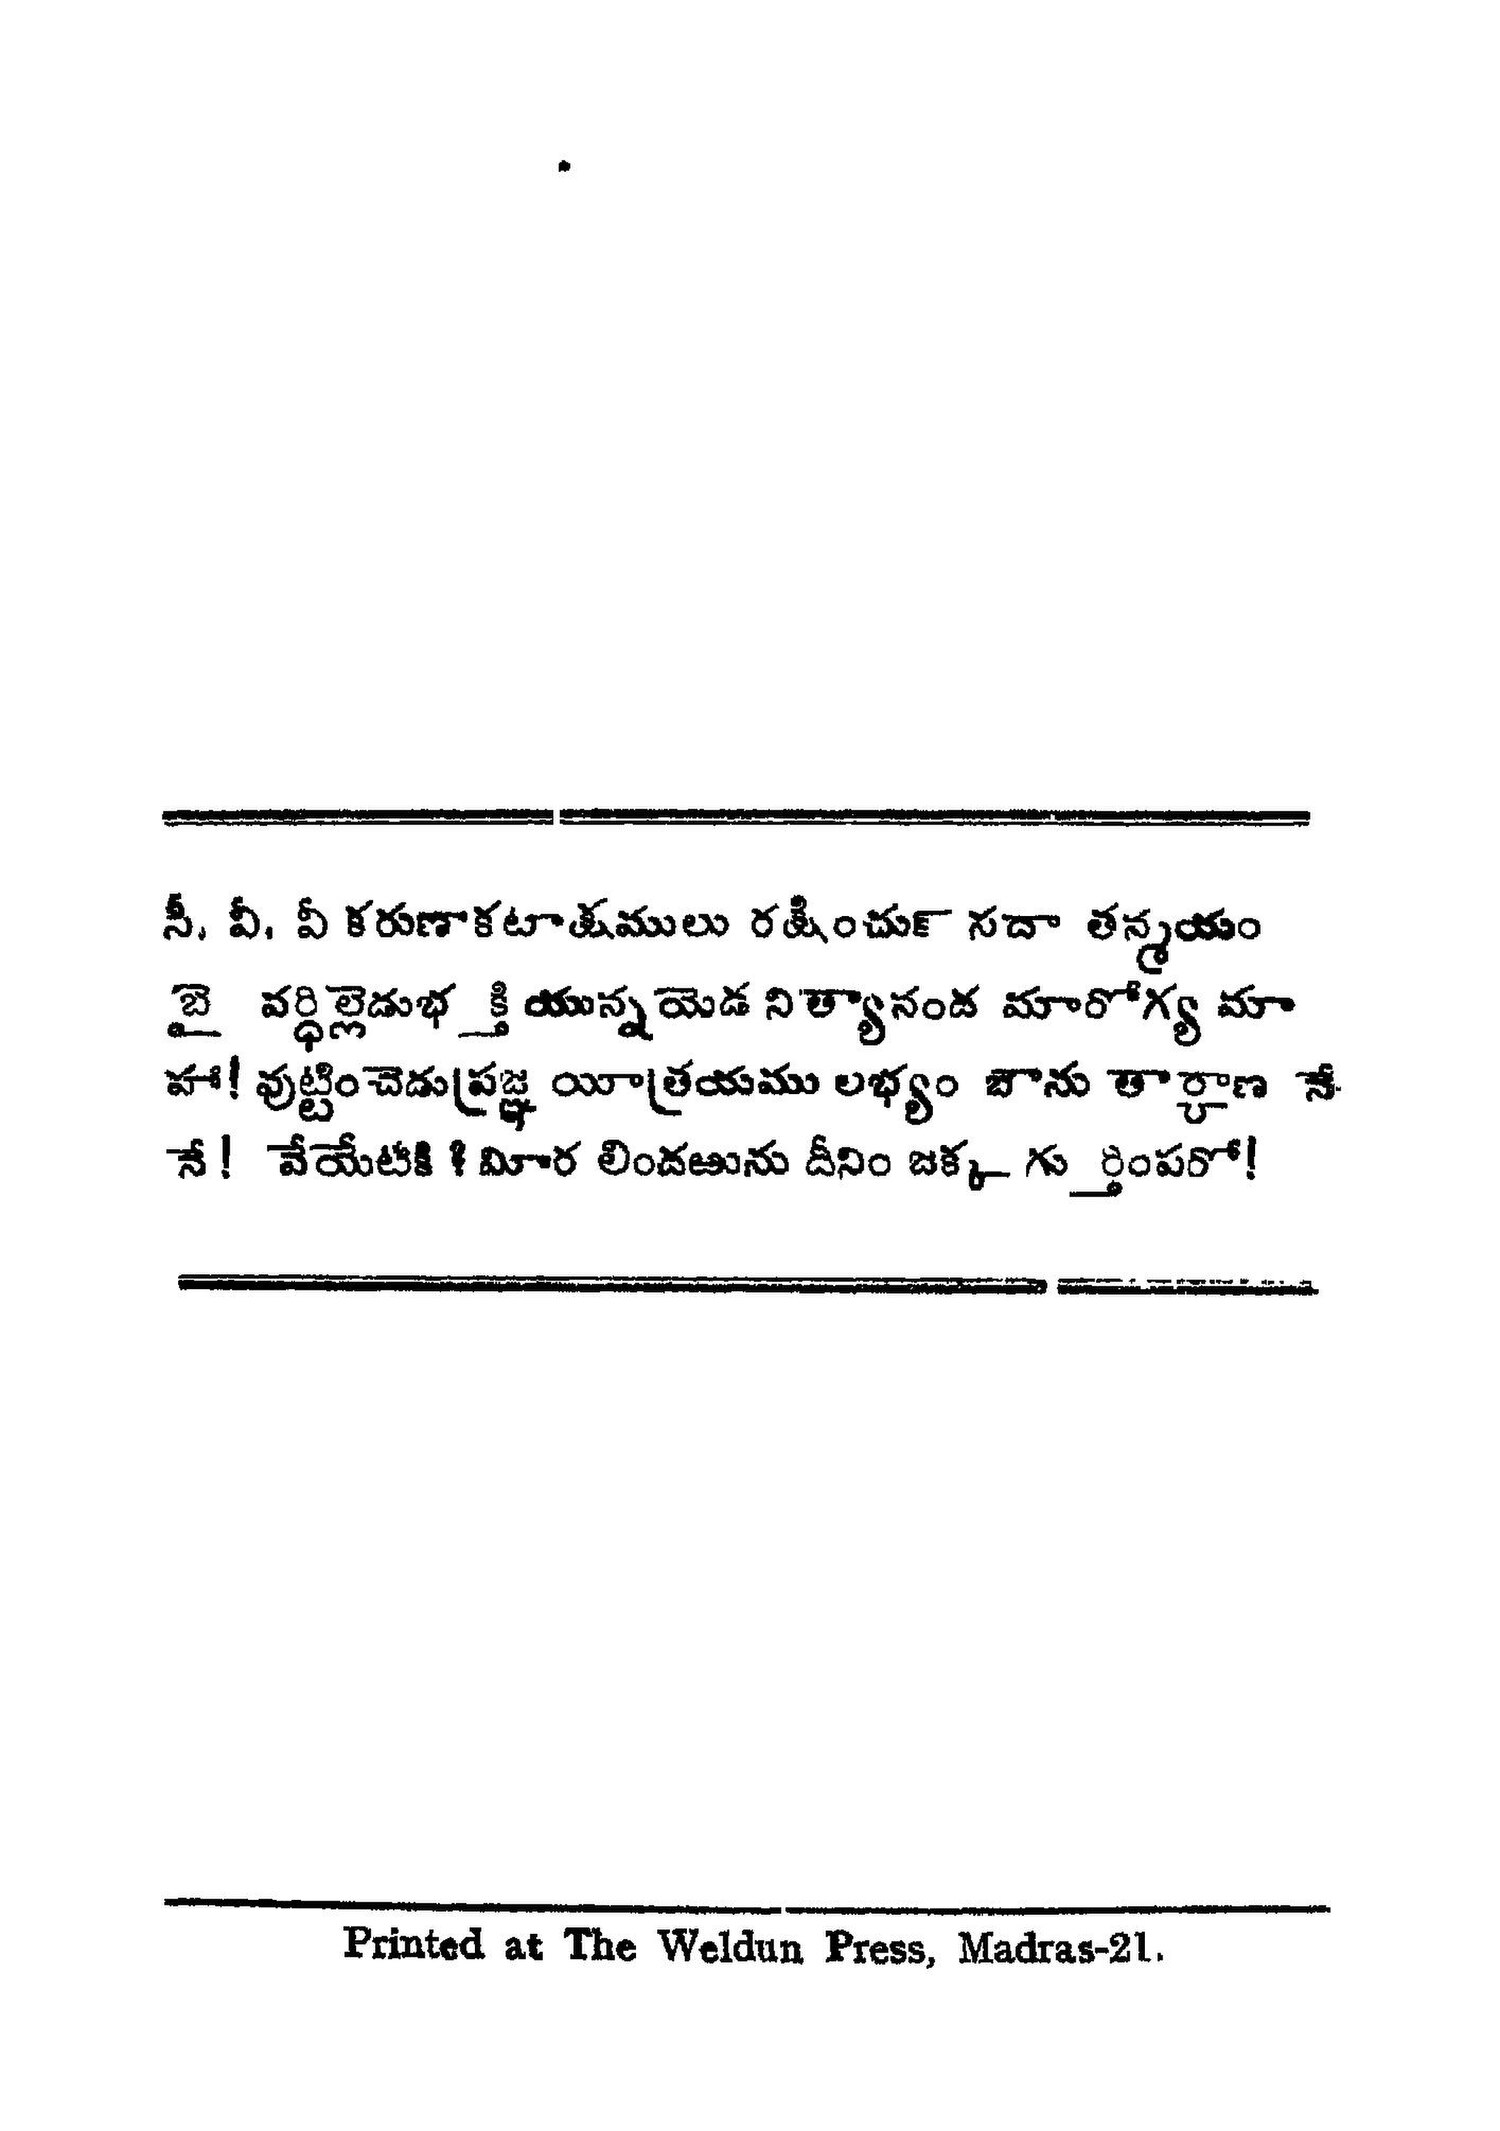* * *

 సీ.వీ.వీ కరుణకటాక్షములు రక్షించున్ సదా తన్మయం 
 బై వర్ధిల్లెడుభక్తి యున్నయెడ నిత్యానంద మారోగ్య మా 
 హా!పుట్టించెడు ప్రజ్ఞయీత్రయము లభ్యంబౌను తారాణ నే 
 నే!వేయేటికి?మిర లిందఱును దీనిం జక్క గుర్తింపరో!